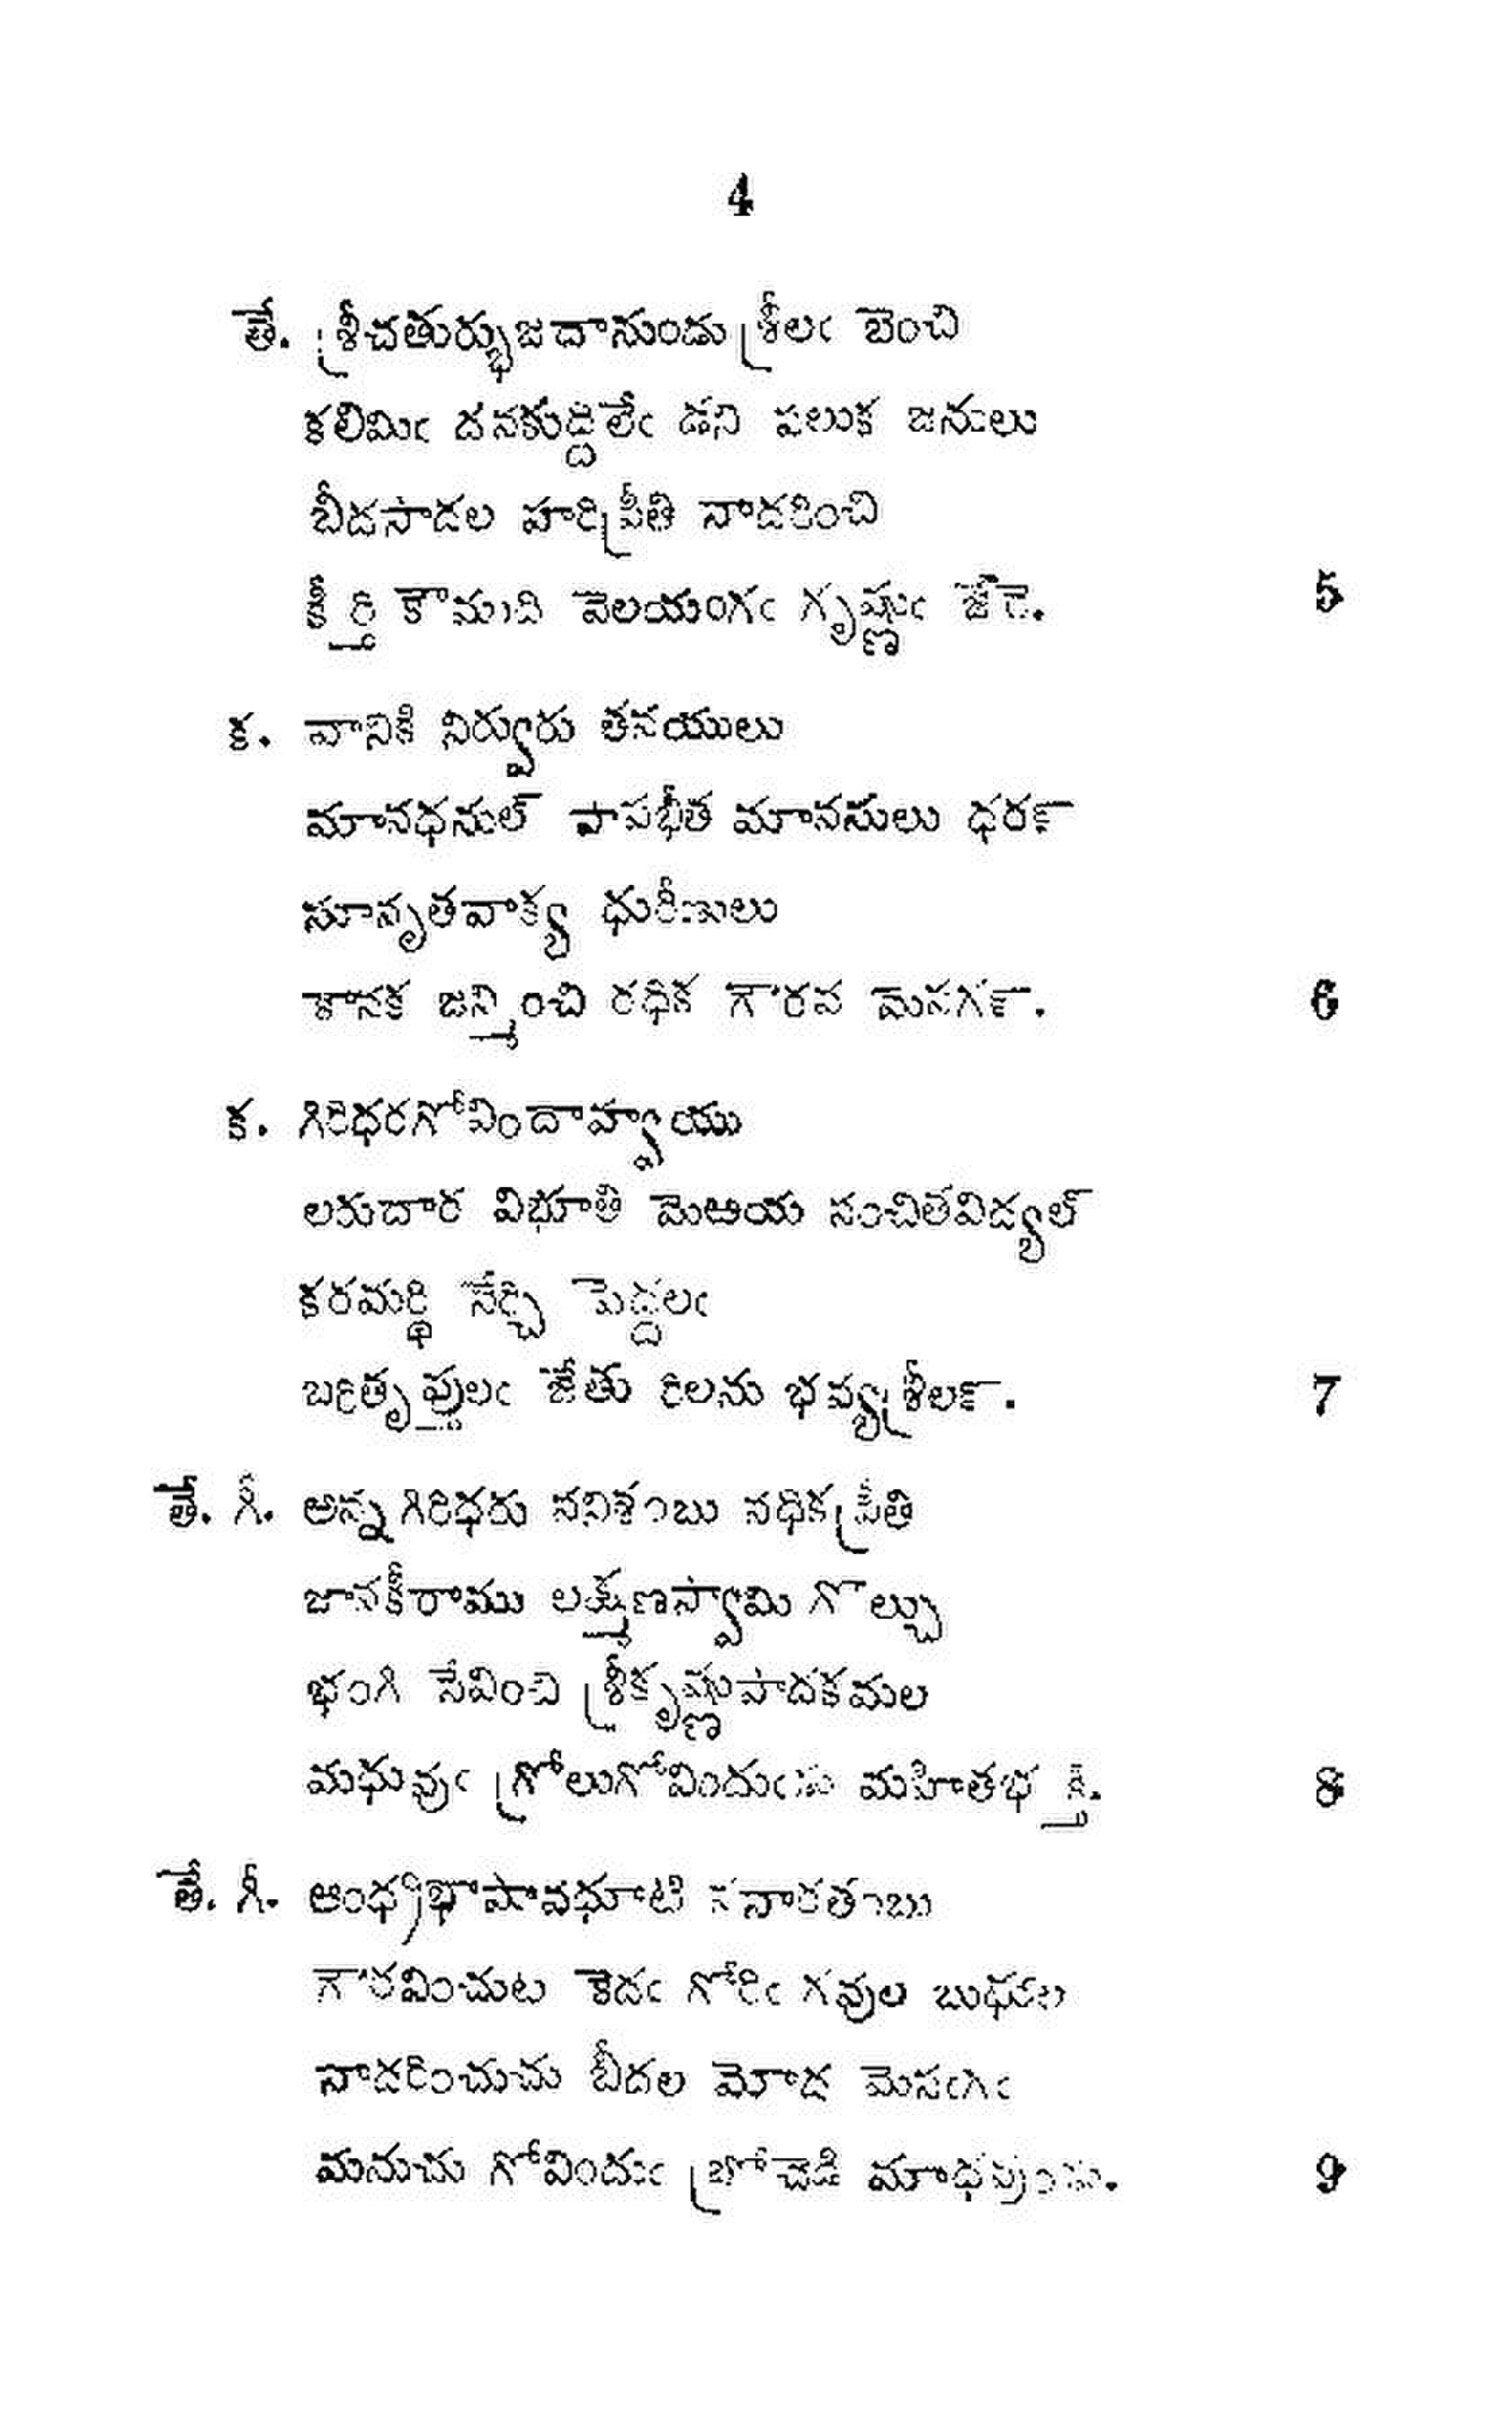తే. శ్రీచతుర్భుజదాసుండు శ్రీలఁ బెంచి
 కలిమిఁ దనకుద్దిలేఁ డని పలుక జనులు
 బీదసాదల హరిప్రీతి నాదరించి
 కీర్తి కౌముది వెలయంగఁ గృష్ణుఁ జేరె. 

క. వానికి నిర్వురు తనయులు
 మానధనుల్ పాపభీత మానసులు ధరన్
 సూనృతవాక్య ధురీణలు
 కానక జన్మించి రధిక గౌరవ మెసగన్ . 

క. గిరిధరగోవిందాహ్వయు
 లరుదార విభూతి మెఱయ సంచితవిద్యల్
 కరమర్థి నేర్చి పెద్దలఁ
 బరితృప్తులఁ జేతు రిలను భవ్యశ్రీలన్. 

తే. గీ. అన్నగిరిధరు ననిశంబు నధికప్రీతి
 జానకీరాము లక్ష్మణస్వామి గొల్చు
 భంగి సేవించి శ్రీకృష్ణుపాదకమల
 మధువుఁ గ్రోలుగోవిందుఁడు మహితభక్తి. 

తే. గీ. ఆంధ్రభాషావధూటి ననారతంబు
 గౌరవించుట కెదఁ గోరిఁ గవుల బుధుల
 నాదరించుచు బీదల మోద మెసఁగఁ
 మనుచు గోవిందుఁ బ్రోచెడి మాధవుండు.